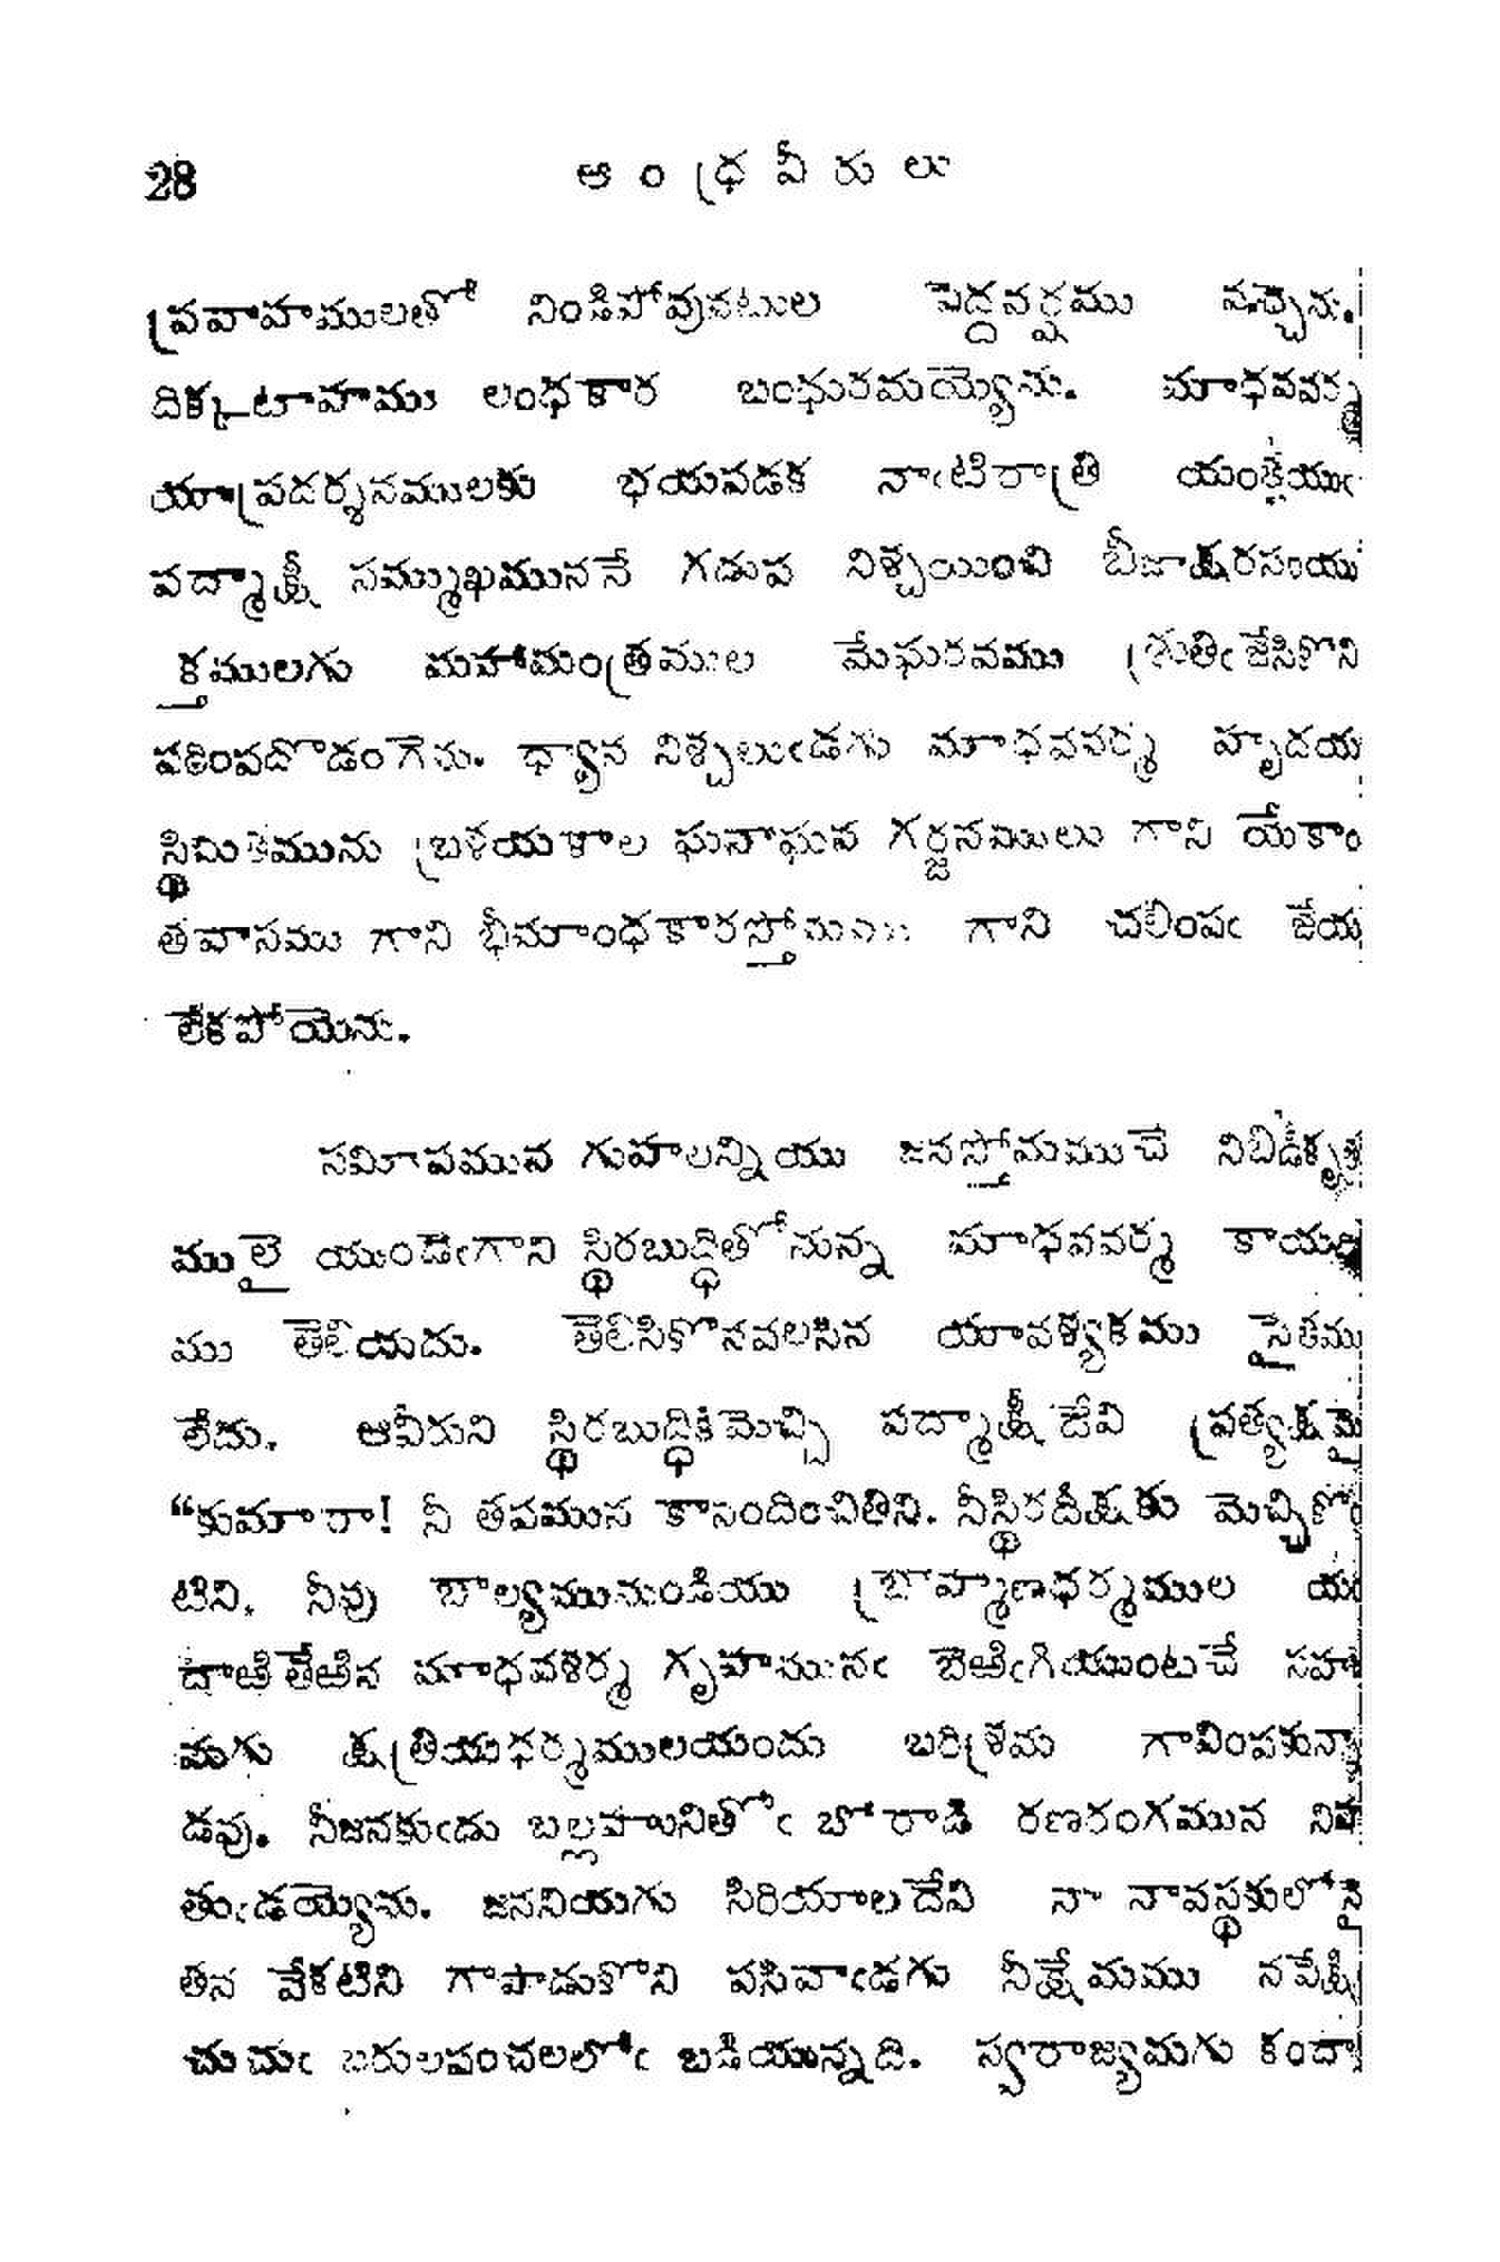ప్రవాహములతో నిండిపోవునటుల పెద్దవర్షము వచ్చెను. దిక్కటాహము లంధకార బంధురమయ్యెను. మాధవవర్మ యాప్రదర్శనములకు భయపడక నాటిరాత్రి యంతయు పద్మాక్షీ సమ్ముఖముననే గడుప నిశ్చయించి బీజాక్షరసంయుక్తములగు మహామంత్రముల మేఘరవము శ్రుతిజేసికొని పఠింపదొడంగెను. ధ్యాన నిశ్చలుడగు మాధవవర్మ హృదయస్థిమితమును బ్రళయకాల ఘనాఘన గర్జనములు గాని యేకాంతవాసము గాని భీమాంధకారస్తోమము గాని చలింప జేయ లేకపోయెను.

సమీపమున గుహలన్నియు జనస్తోమముచే నిబిడీకృతములై యుండెగాని స్థిరబుద్ధితోనున్న మాధవవర్మ కాయరిము తెలియదు. తెలిసికొనవలసిన యావశ్యకము సైతము లేదు. ఆవీరుని స్థిరబుద్ధికిమెచ్చి పద్మాక్షీదేవి ప్రత్యక్షమై "కుమారా! నీతపమున కానందించితిని. నీస్థిరదీక్షకు మెచ్చికొంటిని. నీవు బాల్యమునుండియు బ్రాహ్మణధర్మముల యందాఱితేఱిన మాధవశర్మ గృహమున బెఱిగియుంటచే సహమగు క్షత్రియధర్మములయందు బరిశ్రమ గావింపకున్నాడవు. నీజనకుడు బల్లహునితో బోరాడి రణరంగమున నిషతుడయ్యెను. జననియగు సిరియాలదేవి నా నావస్థకులోనై తన వేకటిని గాపాడుకొని పసివాడగు నీక్షేమము నపేక్షించుచు బరులపంచలలో బడియున్నది. స్వరాజ్యమగు కందార